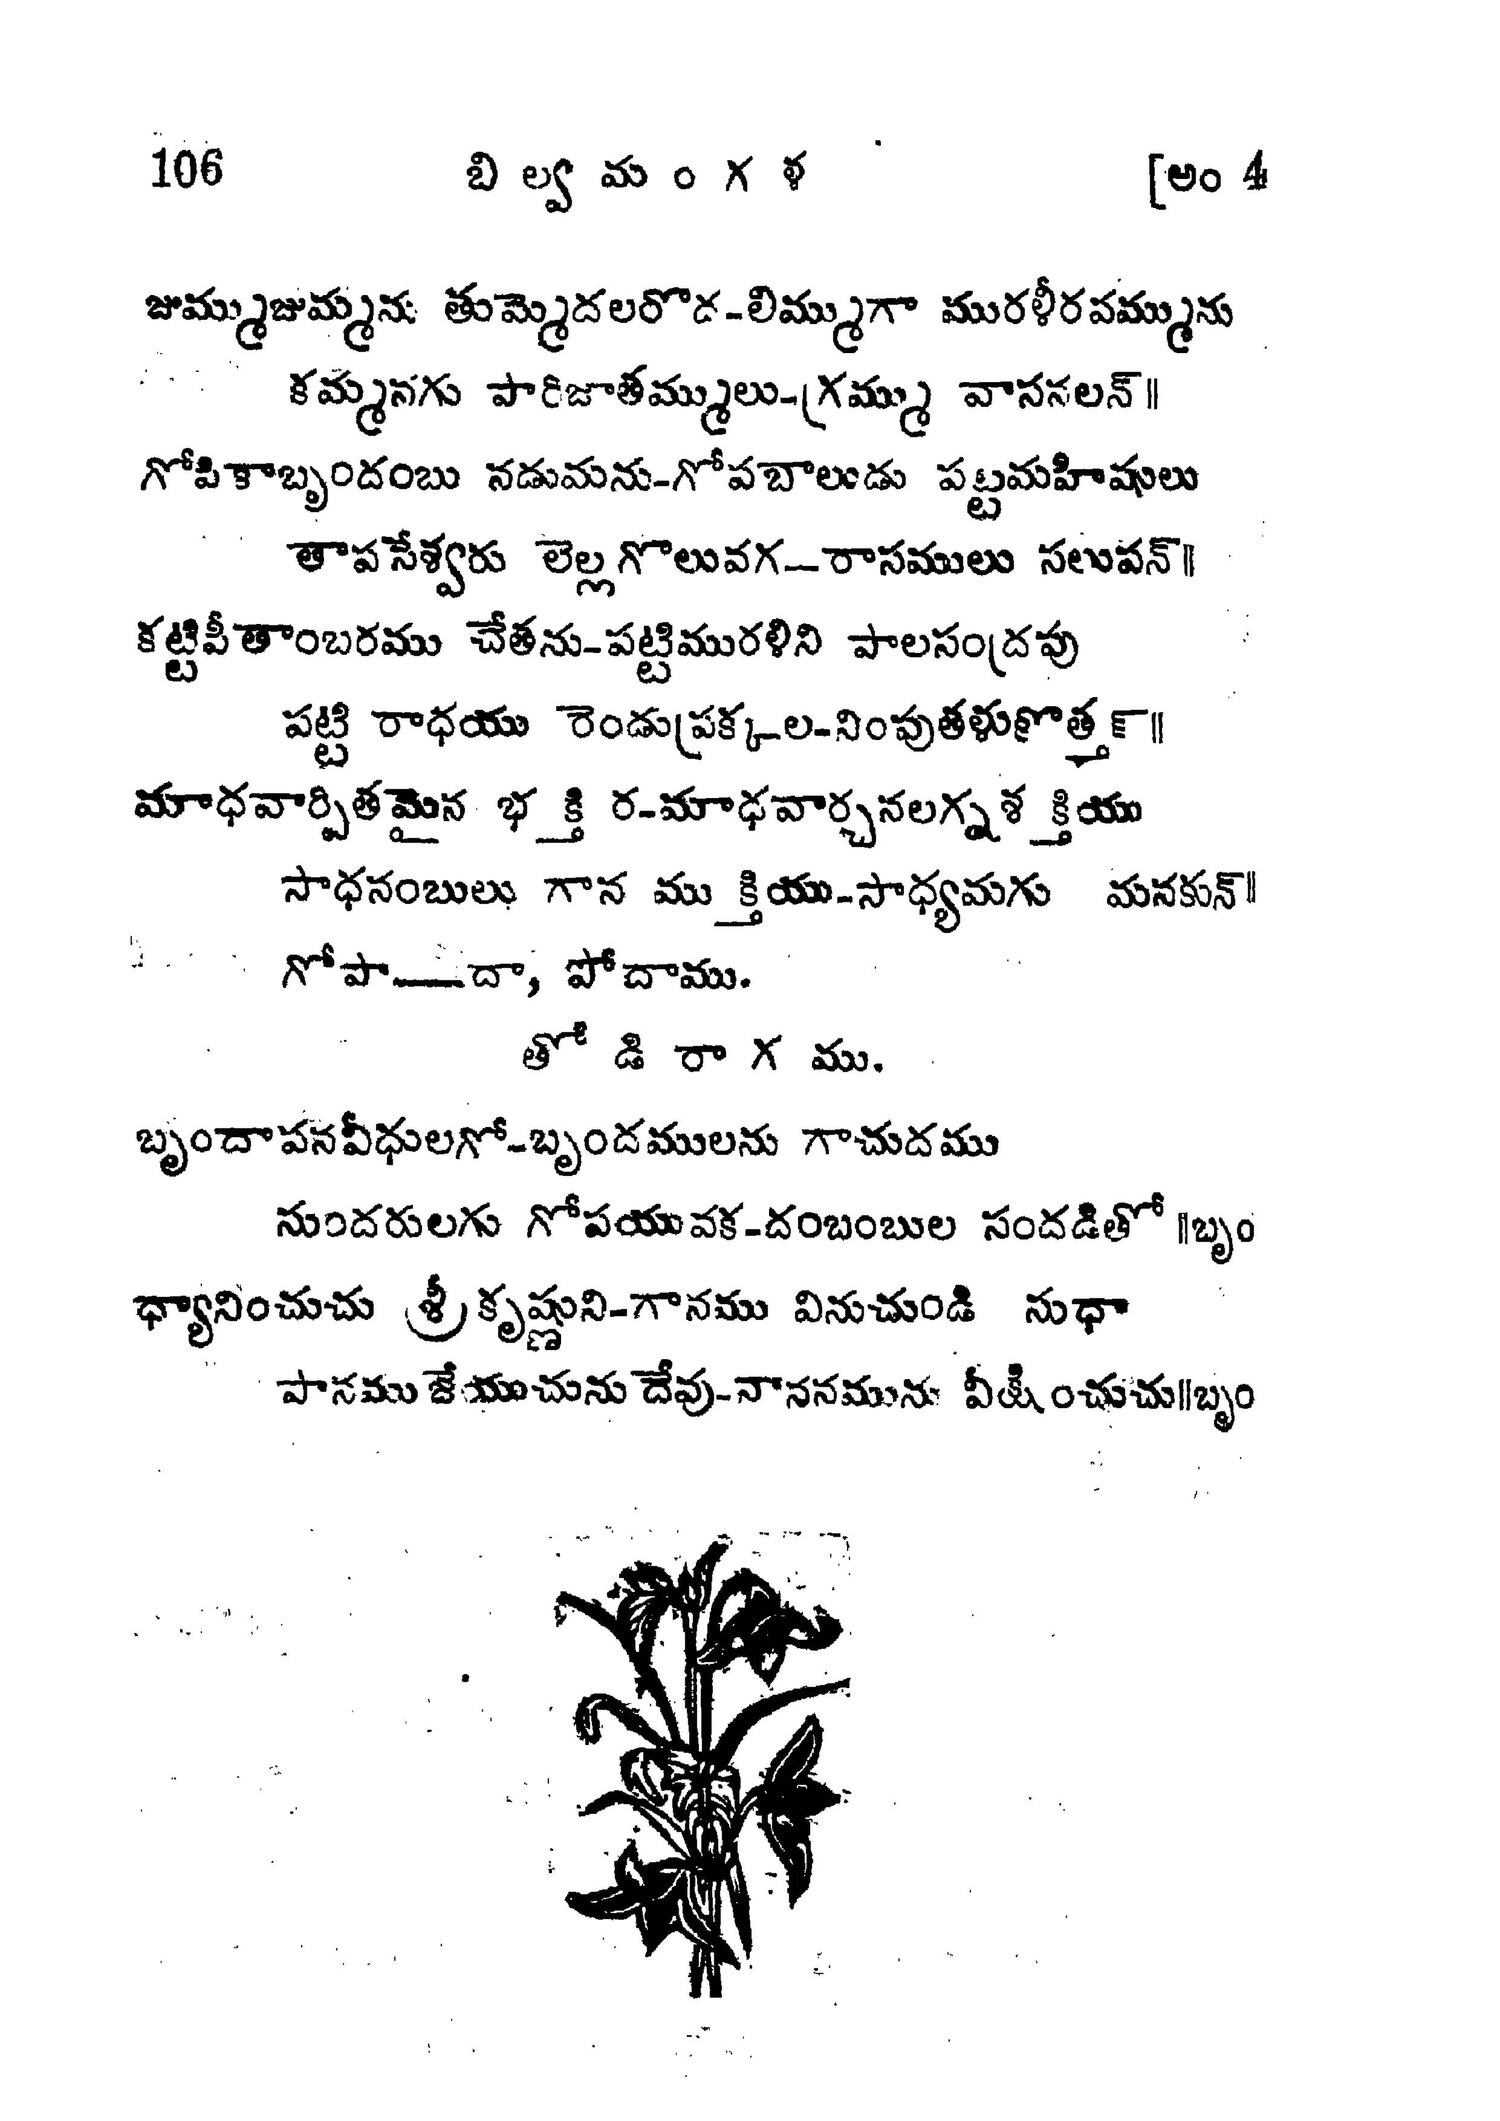జుమ్ముజుమ్మను తుమ్మెదలరొద-లిమ్ముగా మురళీరవమ్మును
 కమ్మనగు పారిజాతమ్ములు-గ్రమ్ము వాసనలన్||
 గోపికాబృందంబు నడుమను-గోపబాలుడు పట్టమహిషులు
 తాపసేశ్వరు లెల్ల గొలువగ - రాసములు సలుపన్||
 కట్టిపీతాంబరము చేతను-పట్టిమురళిని పాలసంద్రపు
 పట్టి రాధయు రెండుప్రక్కల-నింపుతళుకొత్తన్||
 మాధవార్పితమైన భక్తి ర-మాధవార్చనలగ్నశక్తియు
 సాధనంబులు గాన ముక్తియు-సాధ్యమగు మనకున్||
 గోపా - దా, పోదాము
 తోడిరాగము
 బృందావనవీధులగో-బృందములను గాచుదము
 సుందరులగు గోపయువక-దంబంబుల సందడితో||బృం
 ధ్యానించుచు శ్రీకృష్ణుని-గానము వినుచుండి సుధా
 పానముజేయుచును దేవు-నాసనమును వీక్షించుచు||బృం